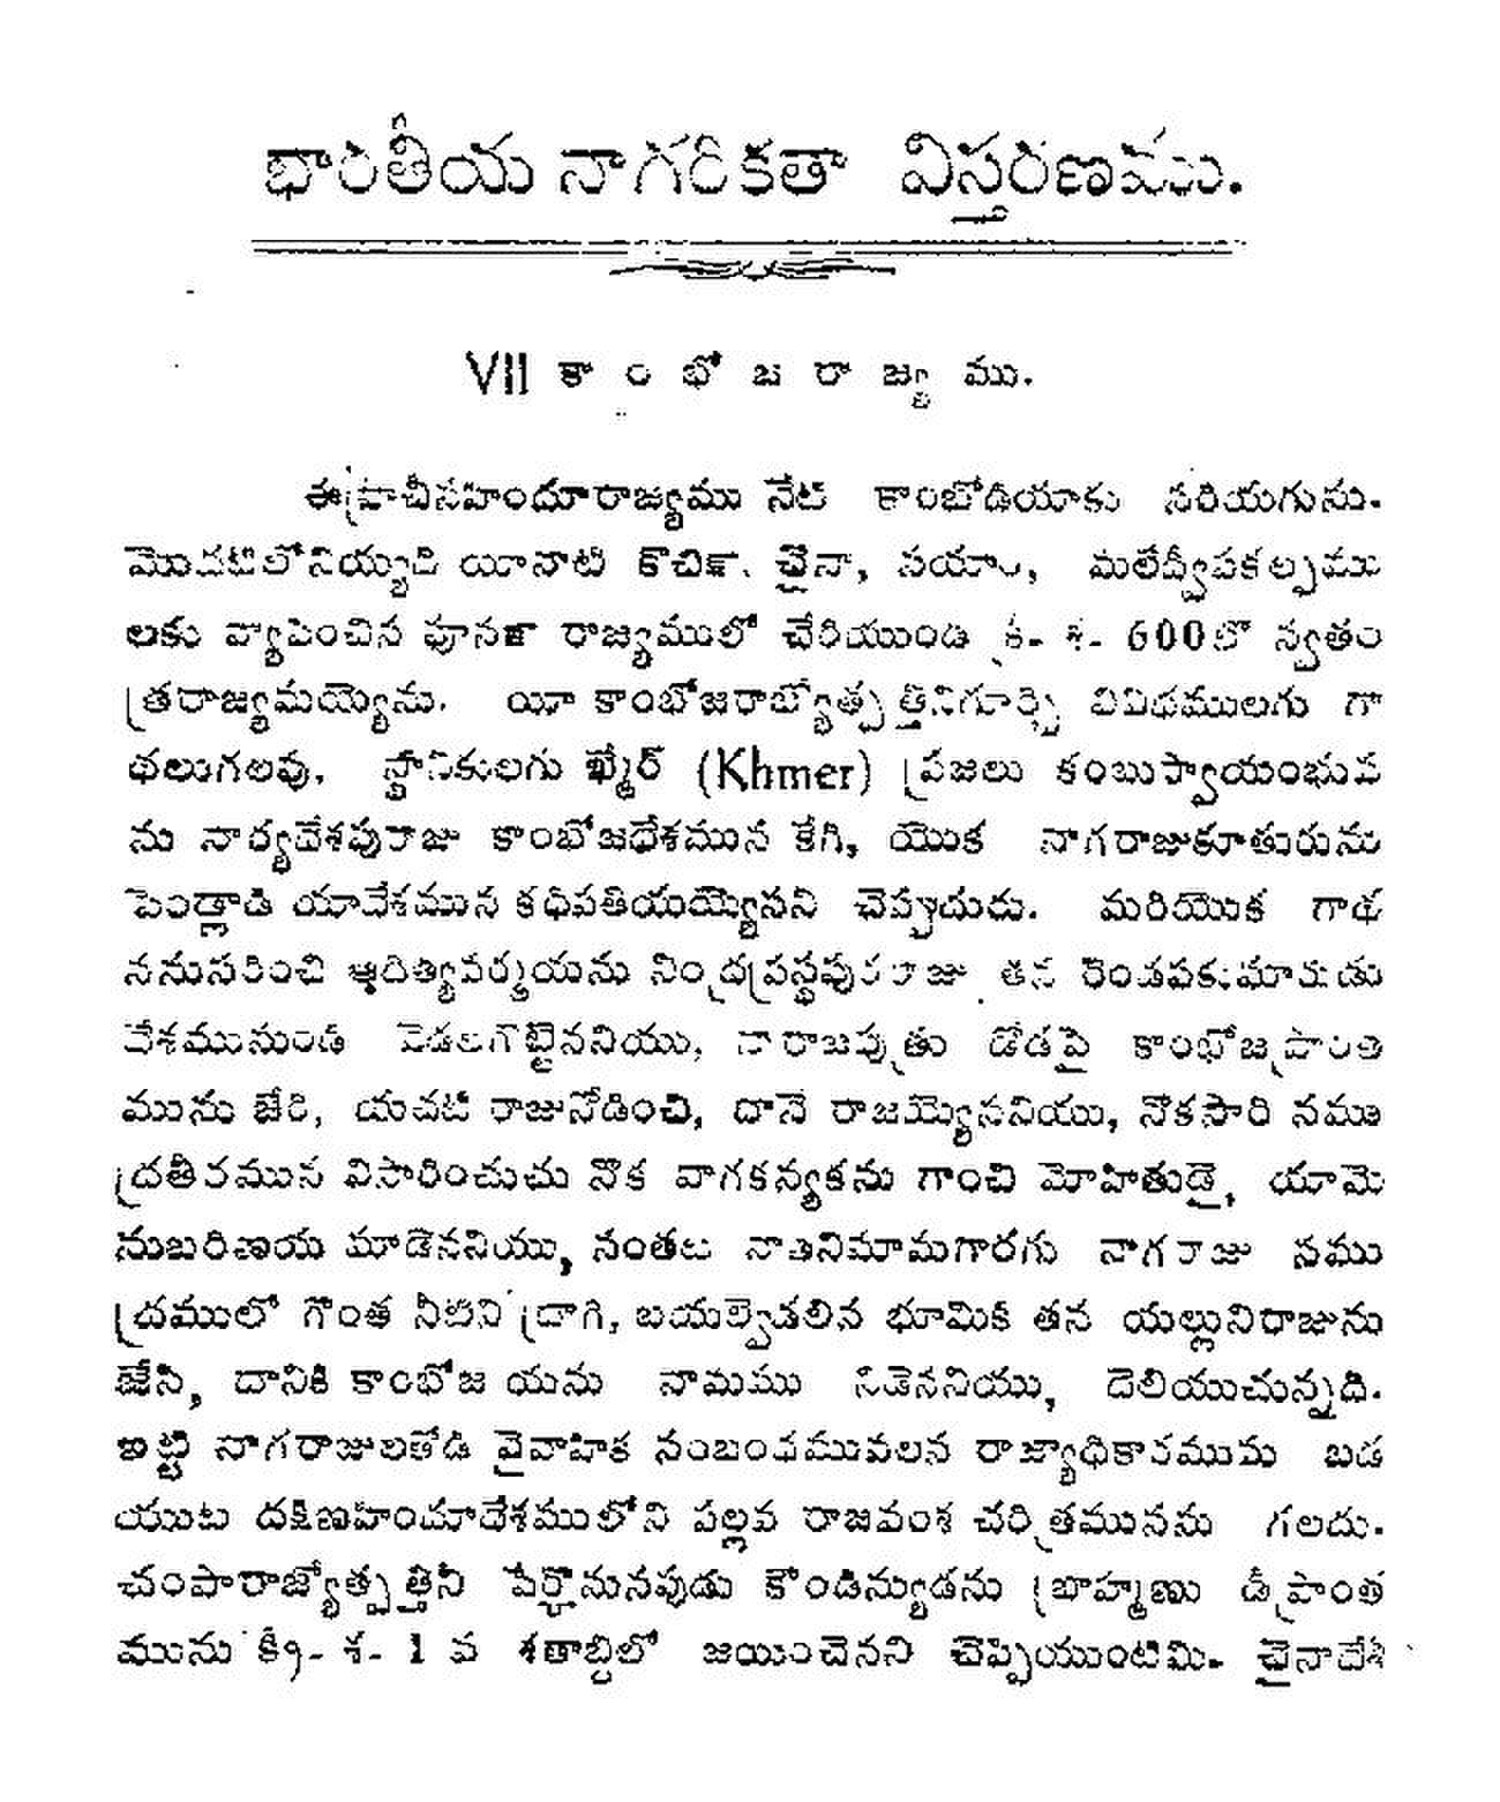ఈప్రాచీనహిందూరాజ్యము నేటి కాంబోడియాకు సరియగును. మొదటిలోనియ్యది యీనాటి కొచిన్, చైనా, నయాం, మలేద్వీపకల్పములకు వ్యాపించిన వూనన్ రాజ్యములో చేరియుండి క్రీ. శ. 600 లో స్వతంత్రరాజ్యమయ్యెను. యీ కాంభోజరాజ్యోత్పత్తినిగూర్చి వివిధములగు గాథలుగలవు. స్థానికులగు ఖ్మేర్ (Khmer) ప్రజలు కంబుస్వాయంభువను నార్యదేశపురాజు కాంభోజదేశమున కేగి, యొక నాగరాజుకూతురును పెండ్లాడి యాదేశమున కధిపతియయ్యెనని చెప్పుదురు.మరియొక గాథననుసరించి ఆదిత్యవర్మయను నింద్రప్రస్థపురరాజు తన రెండవకుమారుడు దేశమునుండి వెడలగొట్టెననియు, నా రాజపుత్రు డోడపై కాంభోజప్రాంతమునుజేరి, యచటి రాజునోడించి, దానె రాజయ్యెననియు, నొకసారి సముద్రతీరమున విసారించుచు నొక నాగకన్యను గాంచి మోహితుడై, యామెనుబరిణయ మాడెననియు, నంతట నాతనిమామగారగు నాగరాజు సముద్రములో గొంత నీటిని ద్రాగి, బయల్వెడలిన భూమికి తన యల్లునిరాజును జేసి, దానికి కాంభోజ యను నామము నిడెననియు, దెలియుచున్నది. ఇట్టి నాగరాజులతోడి వైవాహిక సంబంధమువలన రాజ్యాధికారమును బడయుట దక్షిణహిందూదేశములోని పల్లవ రాజవంశ చరిత్రమునను గలదు. చంపారాజ్యోత్పత్తిని పేర్కొనునపుడు కౌండిన్యుడను బ్రాహ్మణు డీప్రాంతమును క్రీ. శ. 1 వ శతాబ్దిలో జయించెనని చెప్పియుంటిమి. చైనాదేశీ